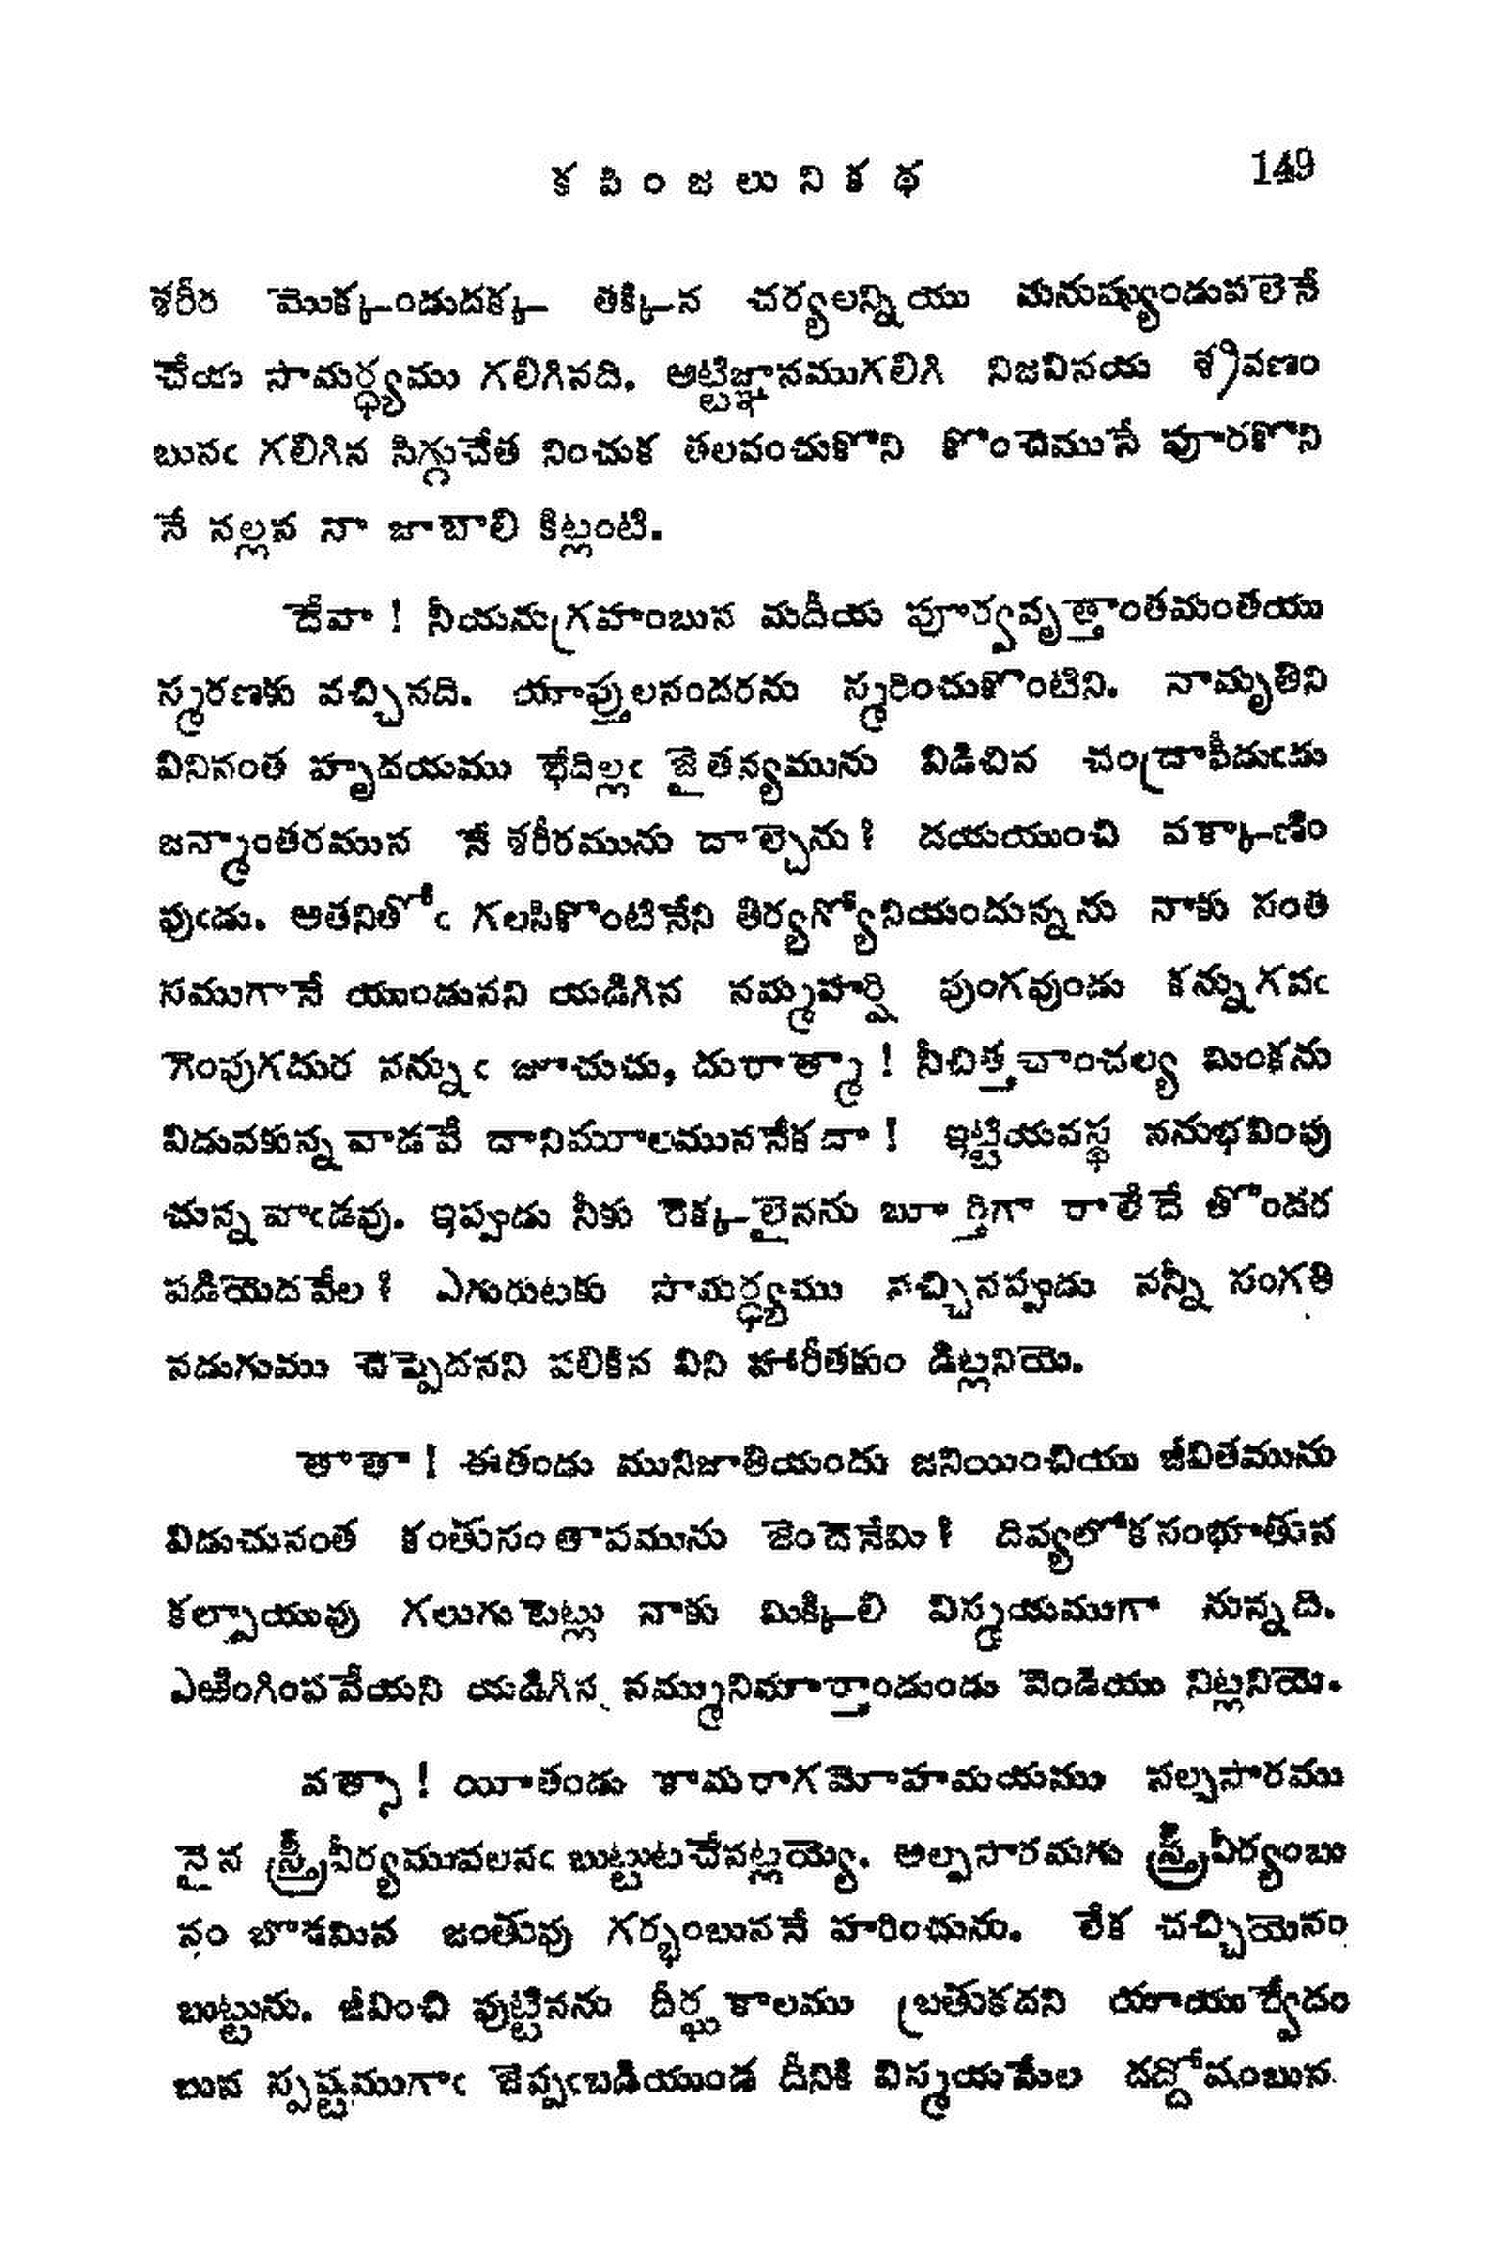శరీర మొక్కండుదక్క తక్కిన చర్యలన్నియు మనుష్యుండువలెనే చేయ సామర్ధ్యము గలిగినది. అట్టుజ్ఞానముగలిగి నిజవినయ శ్రవణంబునఁ గలిగిన సిగ్గుచేత నించుక తలవంచుకొని కొంచెముసే పూరకొని నే నల్లన నా జాబాలి కిట్లంటి.

దేవా! నీయనుగ్రహంబున మదీయ పూర్వవృత్తాంతమంతయు స్మరణకు వచ్చినది. యాప్తులనందరను స్మరించుకొంటిని. నామృతిని వినినంత హృదయము భేదిల్లఁ జైతన్యమును విడిచిన చంద్రాపీడుఁడు జన్మాంతరమున నే శరీరమును దాల్చెను? దయయుంచి వక్కాణింపుఁడు. అతనితోఁ గలసికొంటినేని తిర్యగ్యోనియందున్నను నాకు సంతసముగానే యుండునని యడిగిన నమ్మహర్షి పుంగవుండు కన్నుగవఁగెంపుగదుర నన్నుఁ జూచుచు, దురాత్మా! నీచిత్తచాంచల్య మింకను విడువకున్నవాడవే దానిమూలముననేకదా! ఇట్టియవస్థ ననుభవింపుచున్నవాఁడవు. ఇప్పుడు నీకు రెక్కలైనను బూర్తిగా రాలేదే తొందరపడియెదవేల? ఎగురుటకు సామార్ధ్యము వచ్చినప్పుడు నన్నీ సంగతి నడుగుము చెప్పెదనని పలికిన విని హారీతకుం డిట్లనియె.

తాతా! ఈతండు మునిజాతియందు జనియించియు జీవితమును విడుచునంత కంతుసంతాపమును జెందెనేమి? దివ్యలోకసంభూతున కల్పాయువు గలుగుటెట్లు నాకు మిక్కిలి విస్మయముగా నున్నది. ఎఱింగింపవేయని యడిగిన నమ్మునిమార్తాండుండు వెండియు నిట్లనియె.

వత్సా! యీతండు కామరాగమోహమయము నల్పసారము నైన స్త్రీవీర్యమువలనఁ బుట్టుటచేనట్లయ్యె. అల్పసారమగు స్త్రీవీర్యంబునం బొడమిన జంతువు గర్భంబుననే హరించును. లేక చచ్చియెనం బుట్టును. జీవించి పుట్టినను దీర్ఘకాలము బ్రతుకదని యాయుర్వేదంబున స్పష్టముగాఁ జెప్పఁబడియుండ దీనికి విస్మయమేల దద్దోషంబున